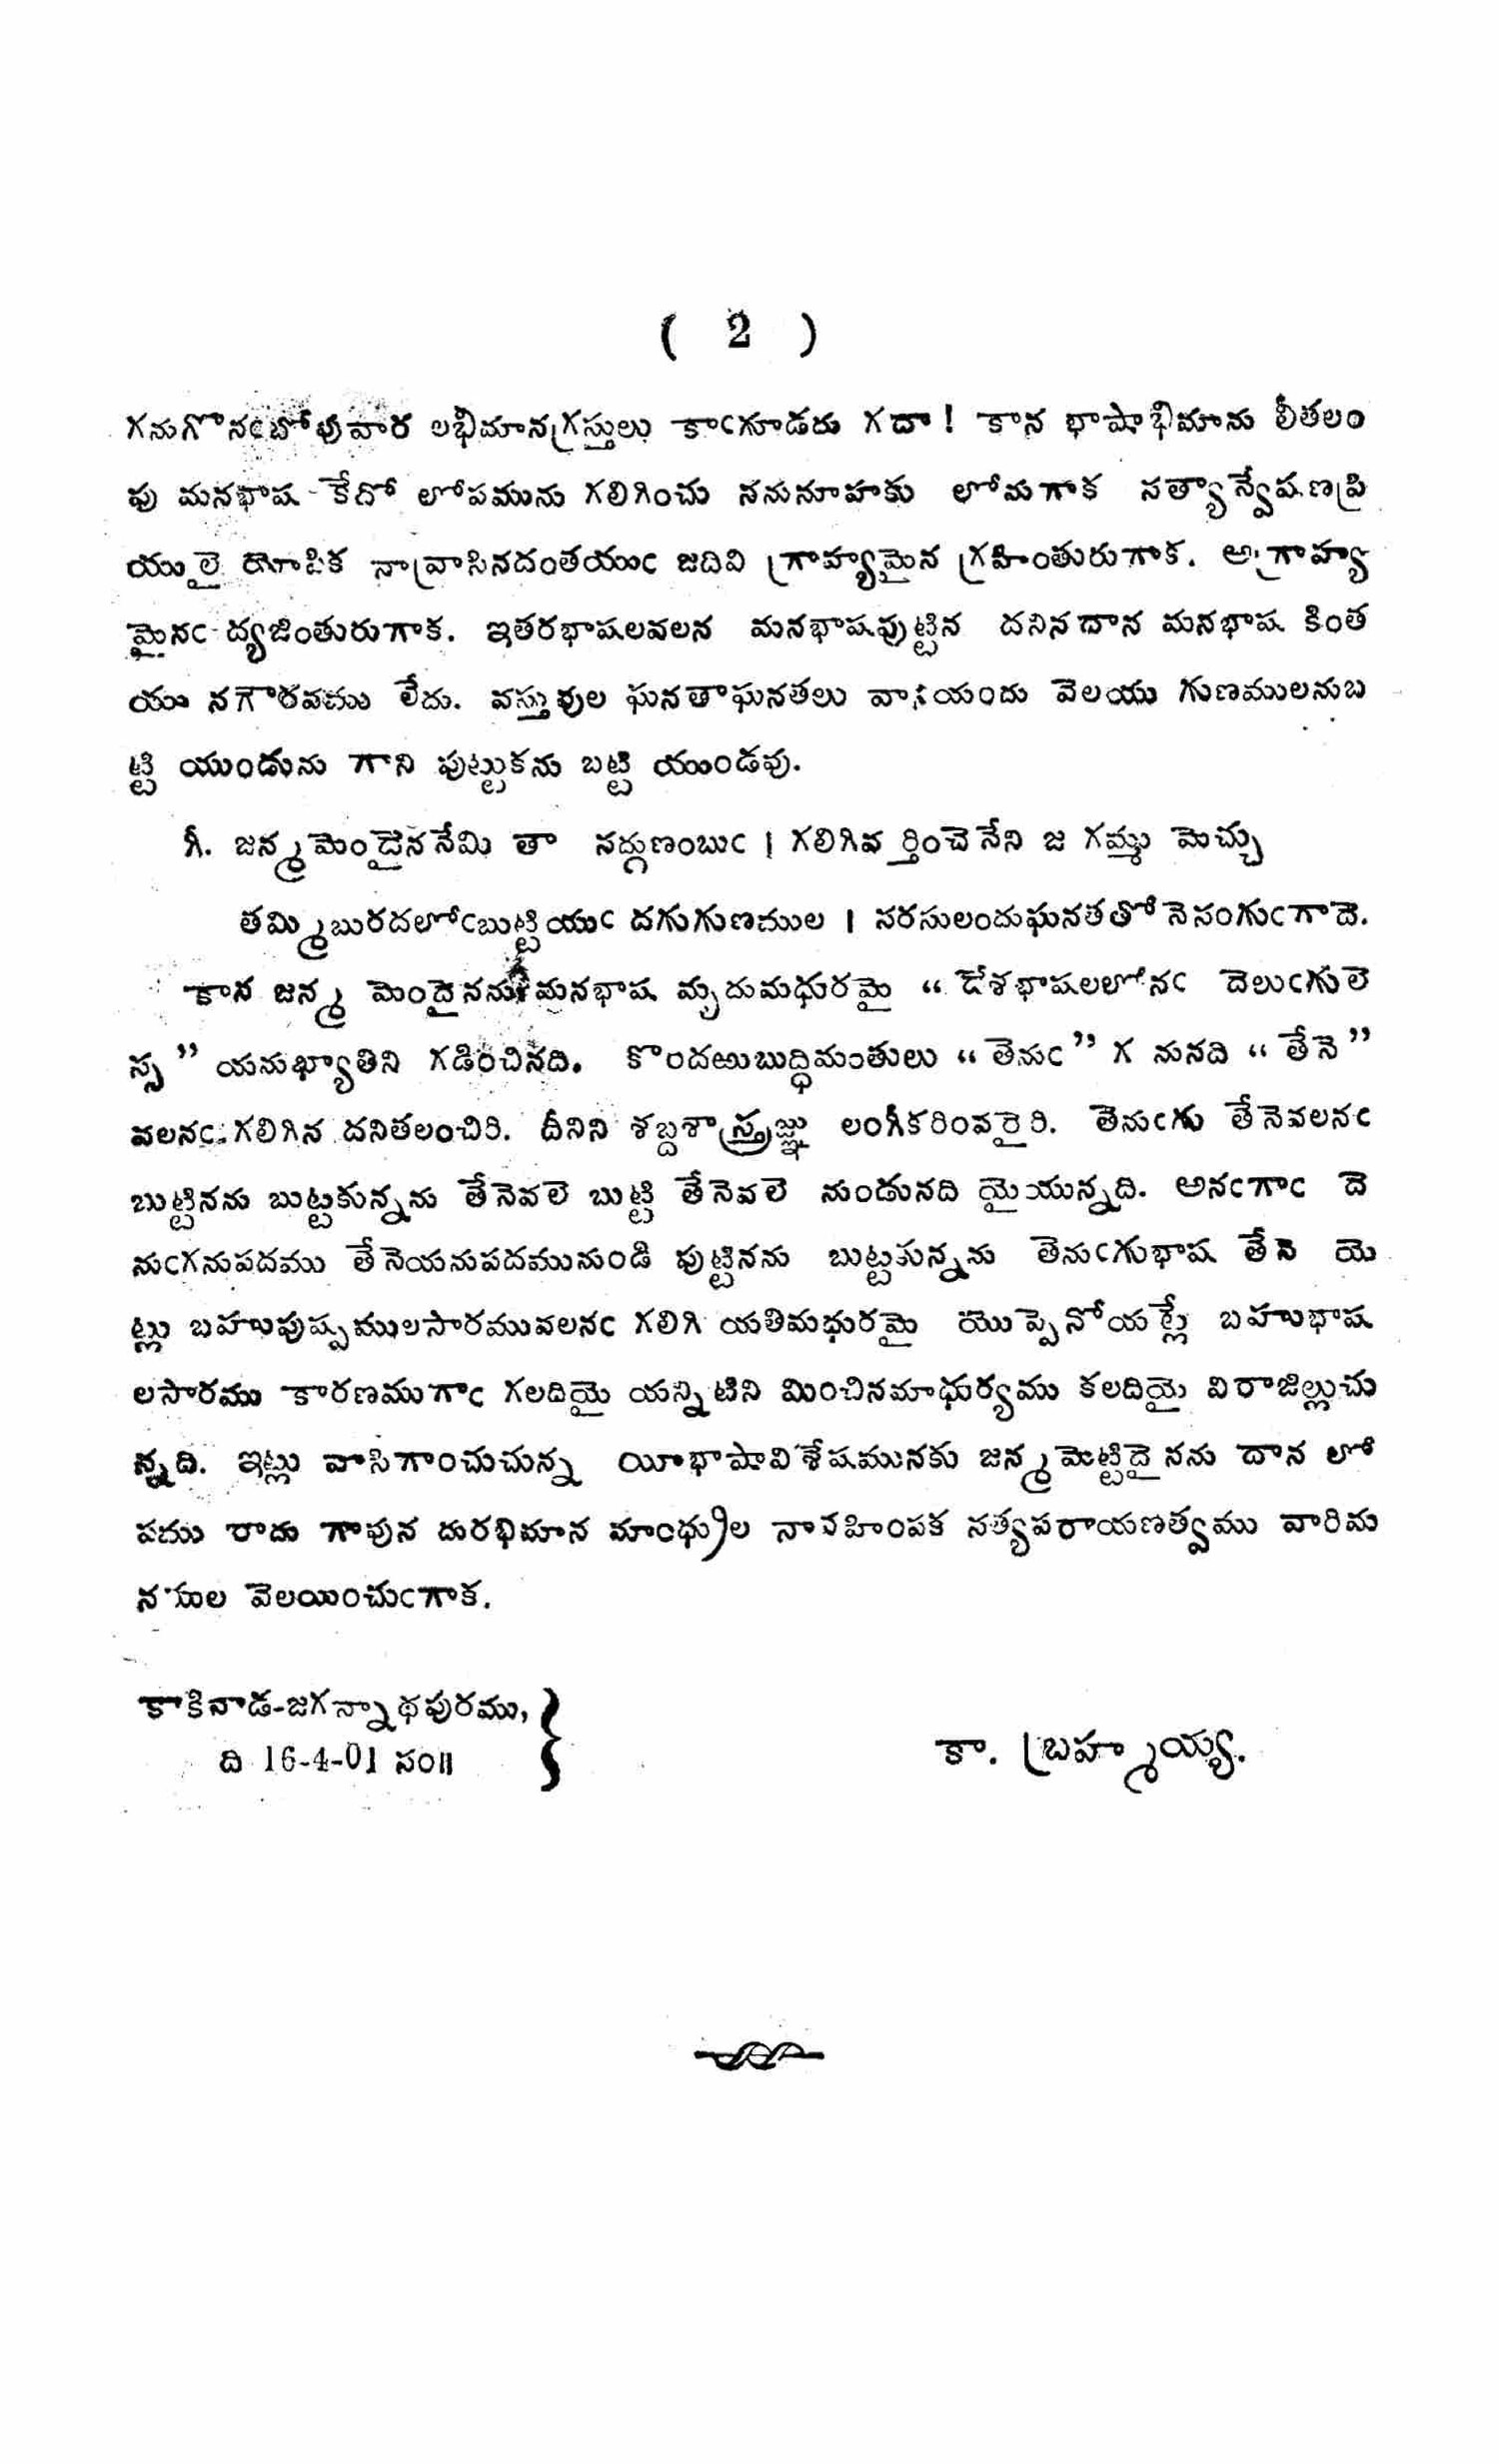గనుగొనఁబోవువార లభిమానగ్రస్తులు కాఁగూడరు గదా! కాన భాషాభిమాను లీతలం 
పు మనభాష కేదో లోపమును గలిగించు ననునూహకు లోనుగాక సత్యాన్వేషణప్రి 
యులై యోపిక నావ్రాసినదంతయుఁ జదివి గ్రాహ్యమైన గ్రహింతురుగాక. అగ్రాహ్య 
మైనఁ ద్యజింతురుగాక. ఇతరభాషలవలన మనభాషపుట్టిన దనినదాన మనభాష కింత 
యు నగౌరవము లేదు. వస్తువుల ఘనతాఘనతలు వానియందు వెలయు గుణములనుబ 
ట్టి యుండును గాని పుట్టుకను బట్టి యుండవు. 

గీ. జన్మమెందైననేమి తా సద్గుణంబుఁ | గలిగివర్తించెనేని జ గమ్ము మెచ్చు
 తమ్మిబురదలోఁబుట్టియుఁ దగుగుణముల | సరసులందుఘనతతోనెసంగుఁగాదె. 

కాన జన్మ మెందైనను మనభాష మృదుమధురమై “దేశభాషలలోనఁ దెలుఁగులె 
స్స” యనుఖ్యాతిని గడించినది. కొందఱుబుద్ధిమంతులు "తెనుఁ” గ నునది "తేనె" 
వలనఁ:గలిగిన దనితలంచిరి. దీనిని శబ్దశాస్త్రజ్ఞు లంగీకరింవరైరి. తెనుఁగు తేనెవలనఁ 
బుట్టినను బుట్టకున్నను తేనెవలె బుట్టి తేనెవలె నుండునది యై యున్నది. అనఁగాఁ దె 
నుఁగనుపదము తేనెయనుపదమునుండి పుట్టినను బుట్టకున్నను తెనుఁగుభాష తేనె యె 
ట్లు బహుపుష్పములసారమువలనఁ గలిగి యతిమధురమై యొప్పెనోయట్లే బహుభాష 
లసారము కారణముగాఁ గలదియై యన్నిటిని మించినమాధుర్యము కలదియై విరాజిల్లుచు 
న్నది. ఇట్లు వాసిగాంచుచున్న యీభాషావిశేషమునకు జన్మ మెట్టిదైనను దాన లో 
పము రాదు గావున దురభిమాన మాంధ్రుల నావహింపక సత్య పరాయణత్వము వారిమ 
నముల వెలయించుఁగాక.